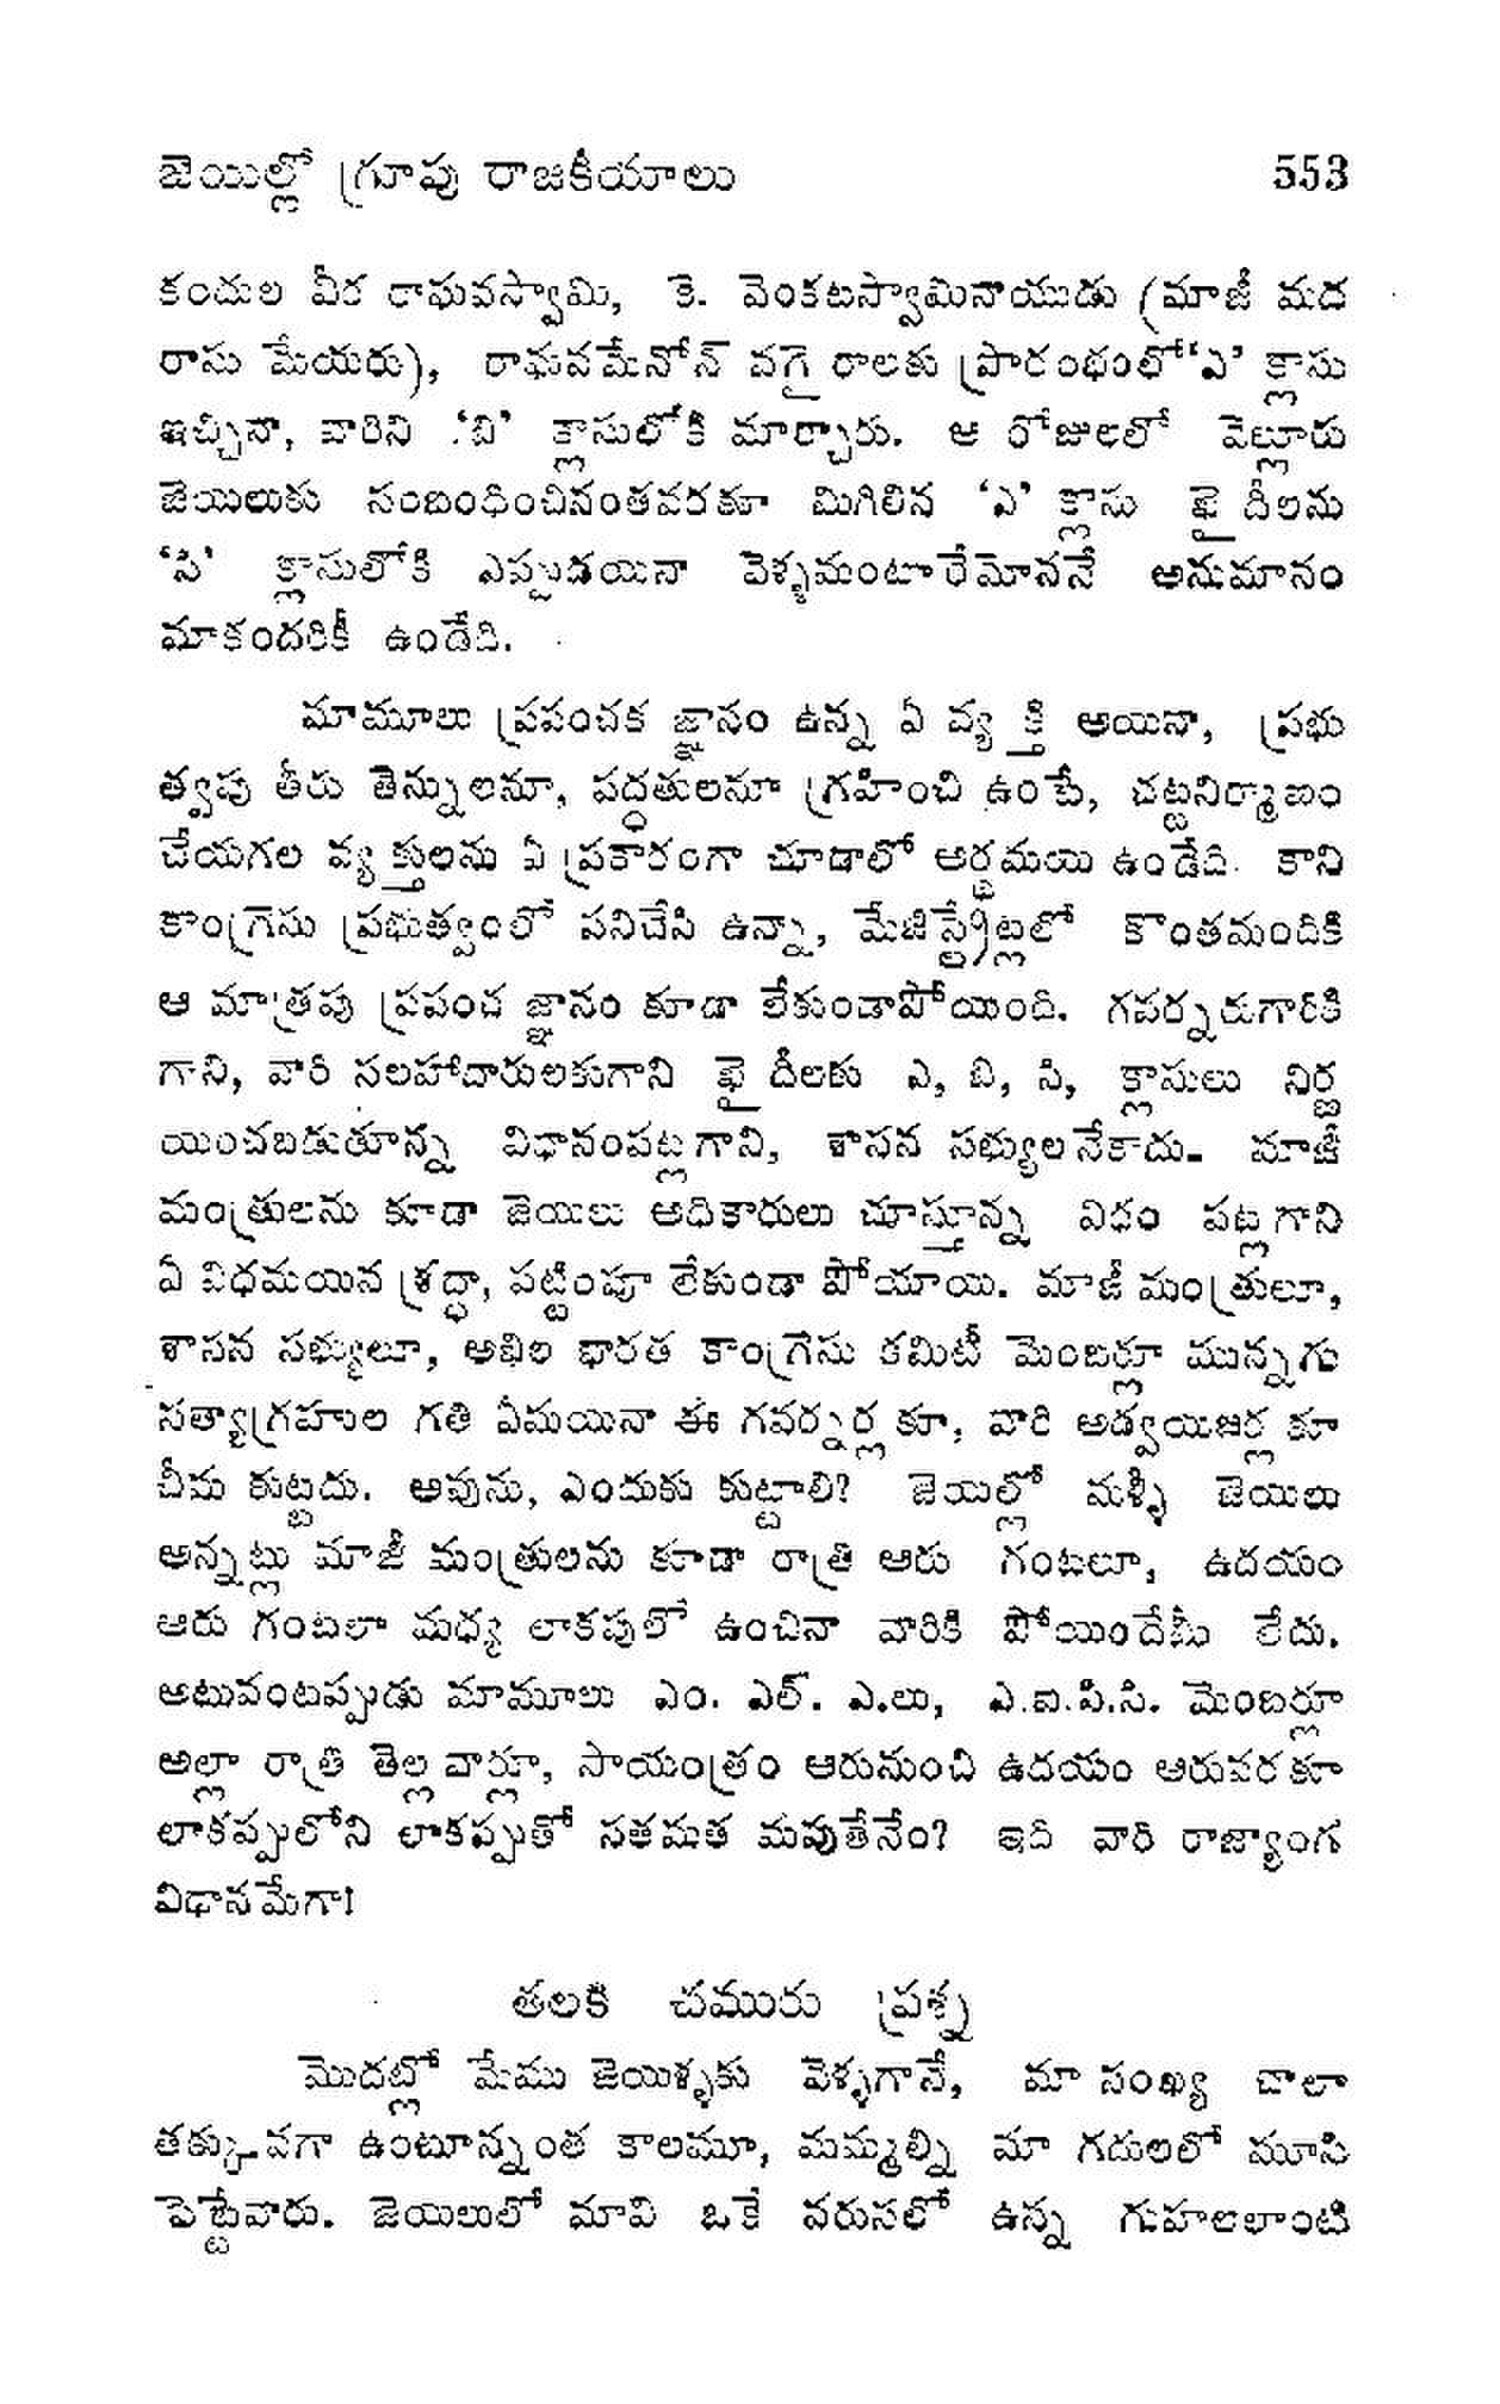కందుల వీర రాఘవస్వామి, కె. వెంకటస్వామి నాయుడు (మాజీ మదరాసు మేయరు), రాఘవమేనోన్ వగైరాలకు ప్రారంభంలో 'ఎ' క్లాసు ఇచ్చినా, వారిని 'బి' క్లాసులోకి మార్చారు. ఆ రోజులలో వెల్లూరు జెయిలుకు సంబంధించినంతవరకూ మిగిలిన 'ఎ' క్లాసు ఖైదీలను 'సి' క్లాసులోకి ఎప్పుడయినా వెళ్ళమంటారేమోననే అనుమానం మాకందరికీ ఉండేది.

మామూలు ప్రపంచక జ్ఞానం ఉన్న ఏ వ్యక్తి అయినా, ప్రభుత్వపు తీరు తెన్నులనూ, పద్ధతులనూ గ్రహించి ఉంటే, చట్టనిర్మాణం చేయగల వ్యక్తులను ఏ ప్రకారంగా చూడాలో అర్థమయి ఉండేది. కాని కాంగ్రెసు ప్రభుత్వంలో పనిచేసి ఉన్నా, మేజిస్ట్రేట్లలో కొంతమందికి ఆ మాత్రపు ప్రపంచ జ్ఞానం కూడా లేకుండాపోయింది. గవర్నరుగారికి గాని, వారి సలహాదారులకు గాని ఖైదీలకు ఎ, బి, సి, క్లాసుల నిర్ణయించబడుతూన్న విధానంపట్ల గాని, శాసన సభ్యులనేకాదు మాజీ మంత్రులను కూడా జెయిలు అధికారులు చూస్తున్న విధం పట్లగాని ఏ విధమయిన శ్రద్ధా, పట్టింపూ లేకుండా పోయాయి. మాజీ మంత్రులూ, శాసన సభ్యులూ, అఖిల భారత కాంగ్రెసు కమిటీ మెంబర్లూ మున్నగు సత్యాగ్రహుల గతి ఏమయినా ఈ గవర్నర్లకూ, వారి అడ్వయిజర్లకూ చీమ కుట్టదు. అవును, ఎందుకు కుట్టాలి? జెయిల్లో మళ్ళీ జెయిలు అన్నట్లు మాజీ మంత్రులను కూడా రాత్రి ఆరు గంటలూ, ఉదయం ఆరు గంటలా మధ్య లాకపులో ఉంచినా వారికి పోయిందేమీ లేదు. అటువంటప్పుడు మామూలు ఎం. ఎల్. ఎ.లు, ఏ. ఐ. సి. సి. మెంబర్లూ అల్లా రాత్రి తెల్ల వార్లూ, సాయంత్రం ఆరునుంచి ఉదయం ఆరువరకూ లాకప్పులోని లాకప్పుతో సతమత మవుతేనేం? ఇది వారి రాజ్యాంగ విధానమేగా!

మొదట్లో మేము జెయిళ్ళకు వెళ్ళగానే, మా సంఖ్య చాలా తక్కువగా ఉంటూన్నంత కాలమూ, మమ్మల్ని మా గదులలో మూసిపెట్టేవారు. జెయిలులో మావి ఒకే వరుసలో ఉన్న గుహలలాంటి